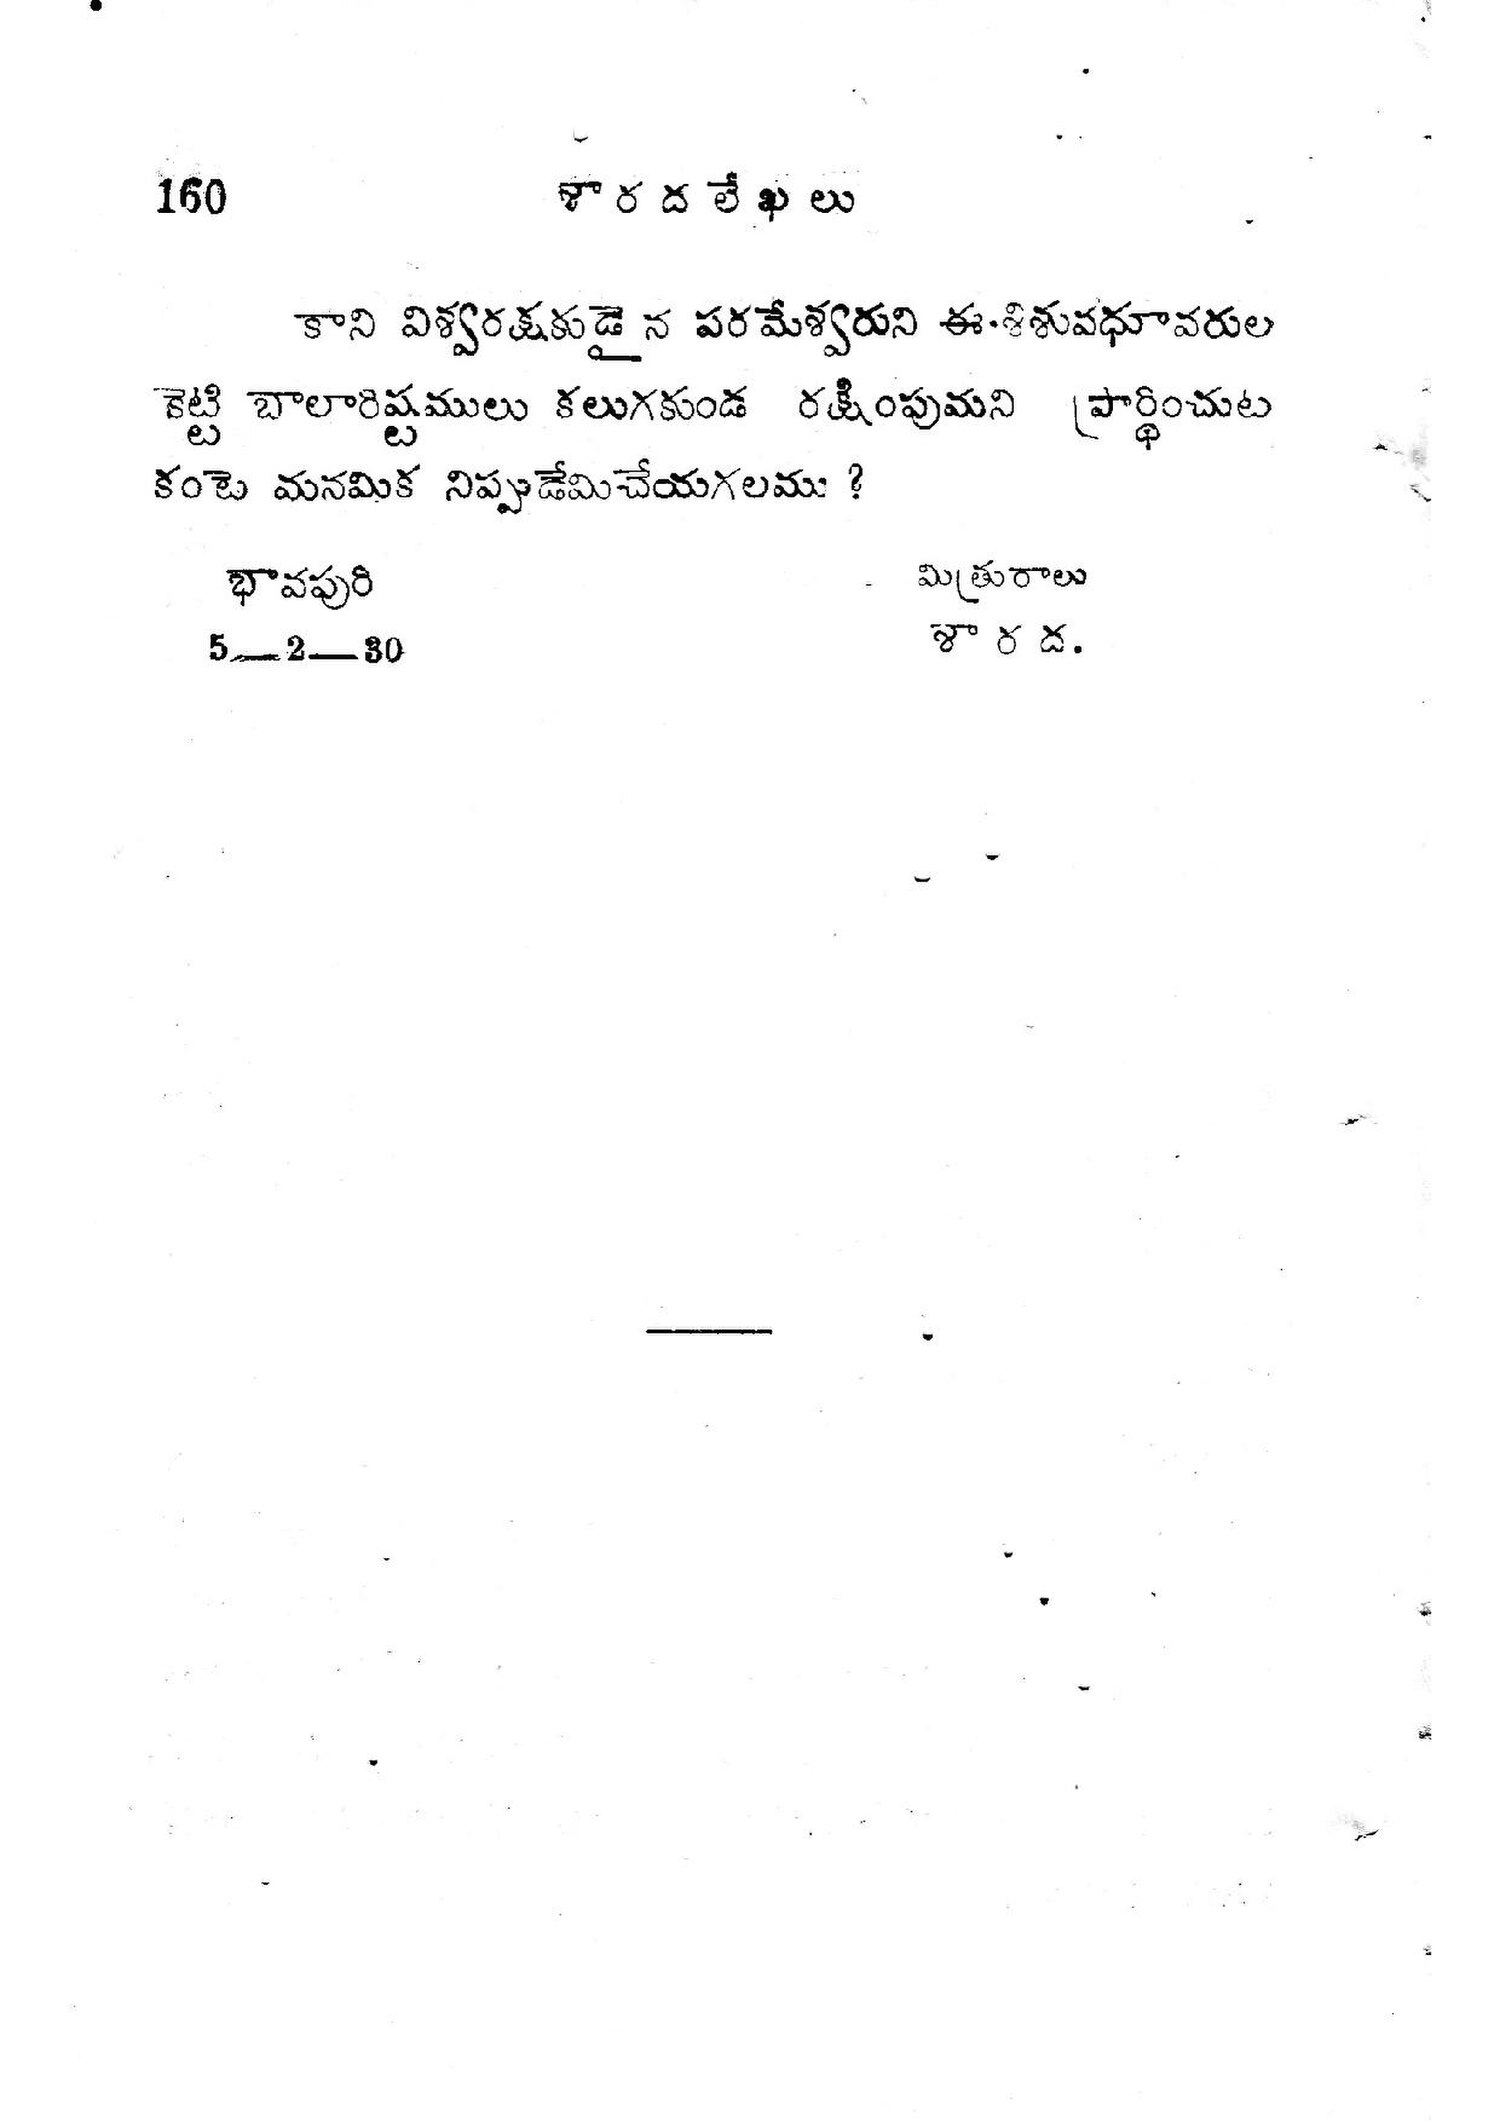కాని విశ్వరక్షకుడైన పరమేశ్వరుని ఈ శిశువధూవరుల కెట్టి బాలారిష్టములు కలుగకుండ రక్షింపుమని ప్రార్థించుట కంటె మనమిక నిప్పుడేమిచేయగలము ?